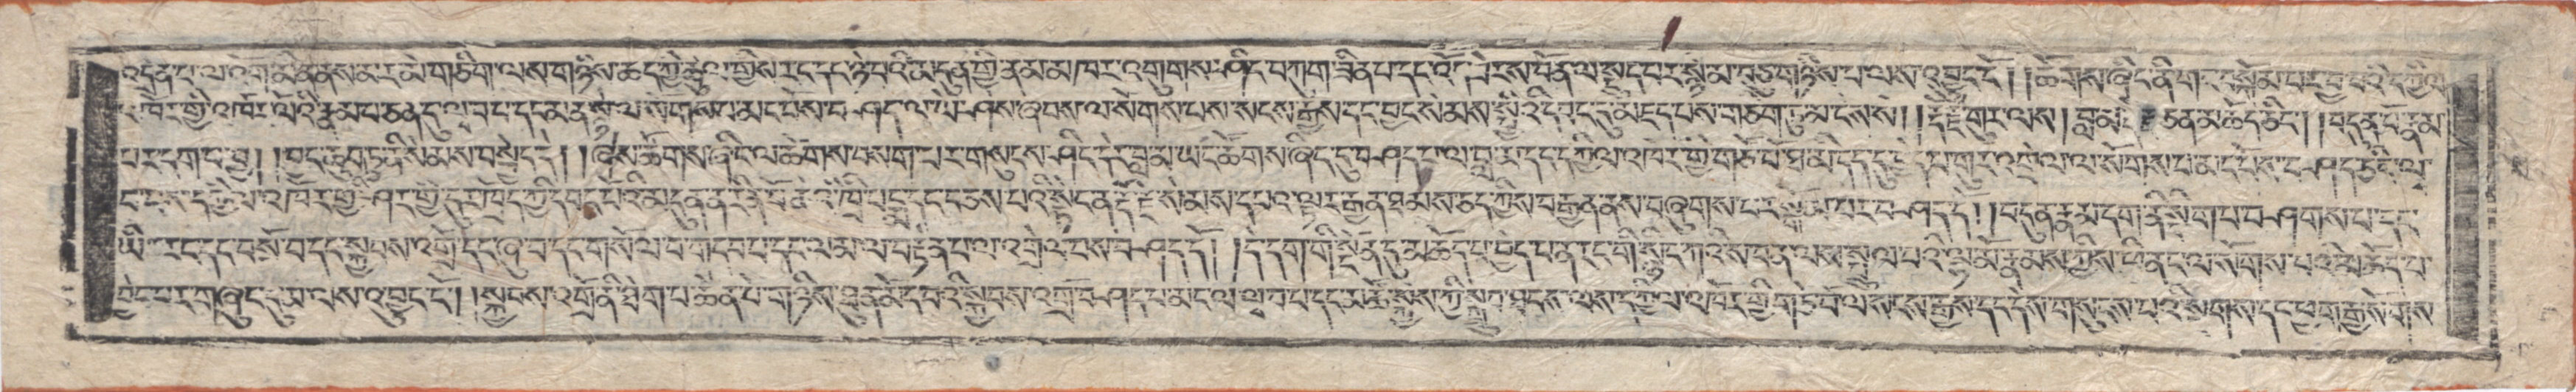འདྲེན་པ་ལ་འགོ་མིན་ནས་མར་མེ་གཅིག་ལས་གཉིས་ཆད་ཀྱི་ཚུལ་གྱིས་རང་དང་ཉེ་བའི་མདུན་གྱི་ནམ་མཁར་འགུགས་ཤིང་བཀུག་ཟིན་པ་དང་འོད་ཟེར་ས་བོན་ལ་སྡུད་པར་སྙེ་མ་བཅུ་གཉིས་པ་ལས་འབྱུང་ངོ། །ཚོགས་ཞིང་ནི་གང་བསྒོམ་པར་བྱ་བའི་དཀྱིལ་
འཁོར་གྱི་འཁོར་ལོའི་རྣམ་པ་ཅན་དུ་ལྭ་བ་པ་དང་མན་སྙེ་ལ་སོགས་པ་མང་པོས་བཤད་ལ་ཡེ་ཤེས་ཞབས་ལ་སོགས་པས་སངས་རྒྱས་དང་བྱང་སེམས་སྤྱིའི་དབང་དུ་མཛད་པས་གཅིག་ཏུ་མ་ངེས་སོ། །རྡོ་རྗེ་གུར་ལས། བླ་མ་རྡོ་རྗེ་ཅན་མཆོད་ཅིང་། །བདུན་པོ་རྣམ་
པར་དག་པ་བྱ། །བྱང་ཆུབ་ཏུ་ནི་སེམས་བསྐྱེད་དེ། །ཞེས་ཚོགས་ཞིང་ལ་ཚོགས་བསག་པར་གསུངས་ཤིང་དེར་བླ་མ་ཡང་ཚོགས་ཞིང་དུ་བཤད་པ་ལ་བླ་མ་དང་དཀྱིལ་འཁོར་གྱི་གཙོ་བོ་ཐ་མི་དད་དུ་བྱེད་པ་གུར་འགྲེལ་ལ་སོགས་པ་མང་པོས་བཤད་ཅིང་ལྭ་
བ་པས་དཀྱིལ་འཁོར་གྱི་ཤར་གྱི་དུར་ཁྲོད་ཀྱི་དབང་པོའི་མདུན་ན་རིན་པོ་ཆེའི་ཁྲི་པདམ་དང་བཅས་པའི་སྟེང་ན་རྡོ་རྗེ་སེམས་དཔའ་ལྟར་རྒྱན་ཐམས་ཅད་ཀྱིས་བརྒྱན་ནས་བཞུགས་པར་སྒོམ་པར་བཤད་དོ། །བདུན་རྣམ་དག་ནི་སྡིག་པ་བཤགས་པ་དང་
ཡི་རང་དང་བསྔོ་བ་དང་སྐྱབས་འགྲོ་དང་ཞུ་བ་དང་གསོལ་བ་གདབ་པ་དང་ལམ་ལ་བརྟེན་པ་ལ་འགྲེལ་པས་བཤད་དོ། །དེ་དག་གི་སྔོན་དུ་མཆོད་པ་བྱེད་པ་ན་རང་གི་སྙིང་ཀའི་ས་བོན་ལས་སྤྲུལ་པའི་ལྷ་མོ་རྣམས་ཀྱིས་ཕྱི་ནང་ལ་སོགས་པའི་མཆོད་པ་
བྱེད་པར་གཞུང་དུ་མ་ལས་བྱུང་ངོ། །སྐྱབས་འགྲོ་ནི་ཐེག་པ་ཆེན་པོ་གཉིས་ཐུན་མོང་བའི་སྐྱབས་འགྲོ་བཤད་པ་མང་ལ་ལྭ་བ་པ་དང་མཚོ་སྐྱེས་ཀྱི་སྒྲུབ་ཐབས་ལས་དཀྱིལ་འཁོར་གྱི་གཙོ་བོ་ལ་སངས་རྒྱས་དང་དེས་གསུངས་པའི་སྔགས་དང་ཕྱག་རྒྱ་སོགས་